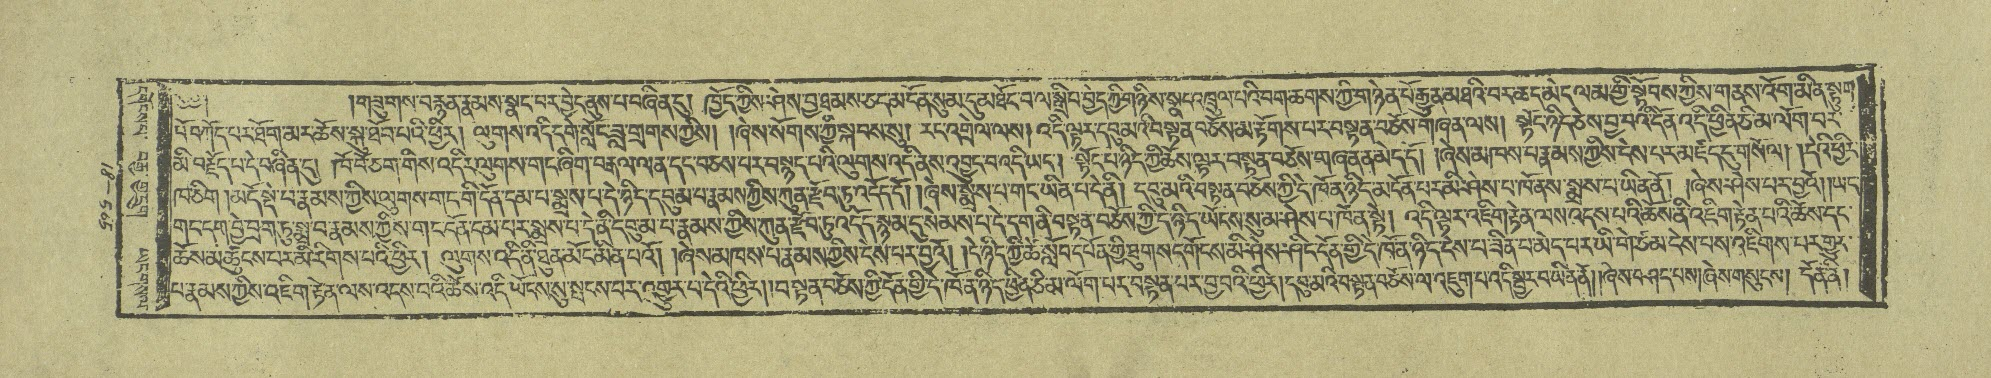༄༅། །གཟུགས་བརྙན་རྣམས་སྣང་བར་བྱེད་ནུས་པ་བཞིན་དུ། ཁྱོད་ཀྱིས་ཤེས་བྱ་ཐམས་ཅད་མངོན་སུམ་དུ་མཐོང་བ་ལ་སྒྲིབ་བྱེད་ཀྱི་གཉིས་སྣང་འཁྲུལ་བའི་བག་ཆགས་ཀྱི་གཉེན་པོ་རྒྱུན་མཐའི་བར་ཆད་མེད་ལམ་གྱི་སྟོབས་ཀྱིས་གནས་འོག་མིན་སྟུག་
པོ་བཀོད་པར་ཐོག་མར་ཆོས་སྐུ་ཐོབ་པའི་ཕྱིར། ལུགས་འདི་དགེ་སློང་ཟླ་གྲགས་ཀྱིས། །ཞེས་སོགས་ཀྱི་སྐབས་སུ། རང་འགྲེལ་ལས། འདི་ལྟར་དབུ་མའི་བསྟན་བཅོས་མ་རྟོགས་པར་བསྟན་བཅོས་གཞན་ལས། སྟོང་ཉིད་ཅེས་བྱ་བའི་དོན་འདི་ཕྱིན་ཅི་མ་ལོག་པར་
མི་བརྗོད་པ་དེ་བཞིན་དུ། ཁོ་བོ་ཅག་གིས་འདིར་ལུགས་གང་ཞིག་བརྒལ་ལན་དང་བཅས་པར་བསྙད་པའི་ལུགས་འདི་ནས་འབྱུང་བ་འདི་ཡང་། སྟོང་པ་ཉིད་ཀྱི་ཆོས་ལྟར་བསྟན་བཅོས་གཞན་ན་མེད་དོ། །ཞེས་མཁས་པ་རྣམས་ཀྱིས་ངེས་པར་མཛད་དུ་གསོལ། །དེའི་ཕྱིར་
ཁ་ཅིག །མདོ་སྡེ་པ་རྣམས་ཀྱིས་ལུགས་གང་གི་དོན་དམ་པ་སྨྲས་པ་དེ་ཉིད་དབུ་མ་པ་རྣམས་ཀྱིས་ཀུན་རྫོབ་ཏུ་འདོད་དོ། །ཞེས་སྨྲས་པ་གང་ཡིན་པ་དེ་ནི། དབུ་མའི་བསྟན་བཅོས་ཀྱི་དེ་ཁོ་ན་ཉིད་མངོན་པར་མི་ཤེས་པ་ཁོ་ནས་སྨྲས་པ་ཡིན་ནོ། །ཞེས་ཤེས་པར་བྱའོ། །ཡང་
གང་དག་བྱེ་བྲག་ཏུ་སྨྲ་བ་རྣམས་ཀྱིས་གང་དོན་དམ་པར་སྨྲས་པ་དེ་ནི་དབུ་མ་པ་རྣམས་ཀྱིས་ཀུན་རྫོབ་ཏུ་འདོད་སྙམ་དུ་སེམས་པ་དེ་དག་ནི་བསྟན་བཅོས་ཀྱི་དེ་ཉིད་ཡོངས་སུ་མ་ཤེས་པ་ཁོ་ན་སྟེ། འདི་ལྟར་འཇིག་རྟེན་ལས་འདས་པའི་ཆོས་ནི་འཇིག་རྟེན་པའི་ཆོས་དང་
ཆོས་མཚུངས་པར་མི་རིགས་པའི་ཕྱིར། ལུགས་འདི་ནི་ཐུན་མོང་མིན་པའོ། །ཞེས་མཁས་པ་རྣམས་ཀྱིས་ངེས་པར་བྱའོ། །དེ་ཉིད་ཀྱི་ཚེ་སློབ་དཔོན་གྱི་ཐུགས་དགོངས་མི་ཤེས་ཤིང་དོན་གྱི་དེ་ཁོ་ན་ཉིད་ངེས་པ་ཟིན་པ་མེད་པར་ཡི་གེ་ཙམ་ངེས་པས་འཇིགས་པར་གྱུར་
པ་རྣམས་ཀྱིས་འཇིག་རྟེན་ལས་འདས་པའི་ཆོས་འདི་ཡོངས་སུ་སྤངས་པར་འགྱུར་པ་དེའི་ཕྱིར། །བསྟན་བཅོས་ཀྱི་དོན་གྱི་དེ་ཁོ་ན་ཉིད་ཕྱིན་ཅི་མ་ལོག་པར་བསྟན་པར་བྱ་བའི་ཕྱིར། དབུ་མའི་བསྟན་བཅོས་ལ་འཇུག་པ་འདི་སྦྱར་བ་ཡིན་ནོ། །ཞེས་བཤད་པས། ཞེས་གསུངས། དོན་ནི།